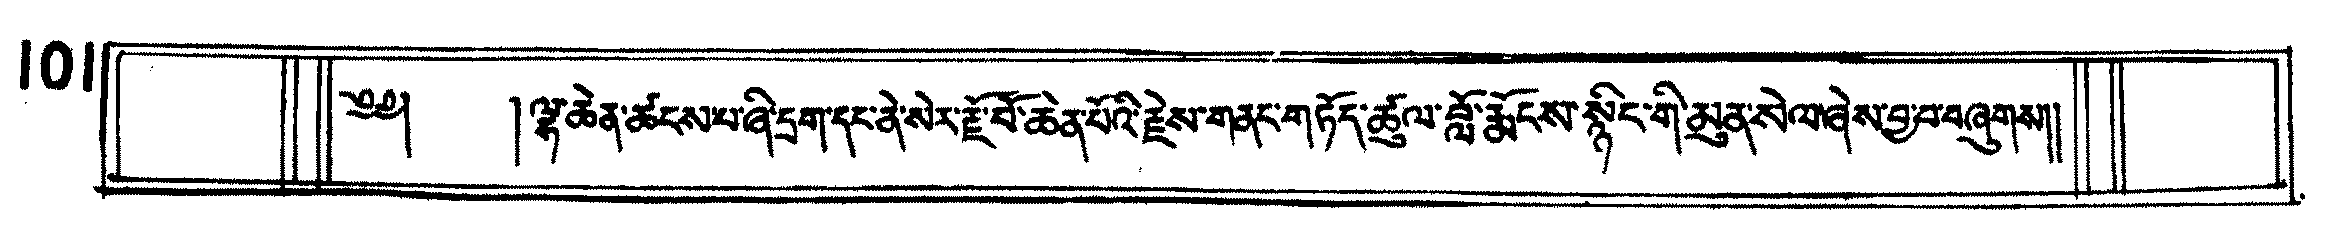༄༅། །ལྷ་ཆེན་ཚངས་པ་ཞི་དྲག་དང་ནེ་སེར་རྗོ་བོ་ཆེན་པོའི་རྗེས་གནང་གཏོད་ཚུལ་བློ་རྨོངས་སྙིང་གི་མུན་སེལ་ཞེས་བྱ་བ་བཞུགས།།